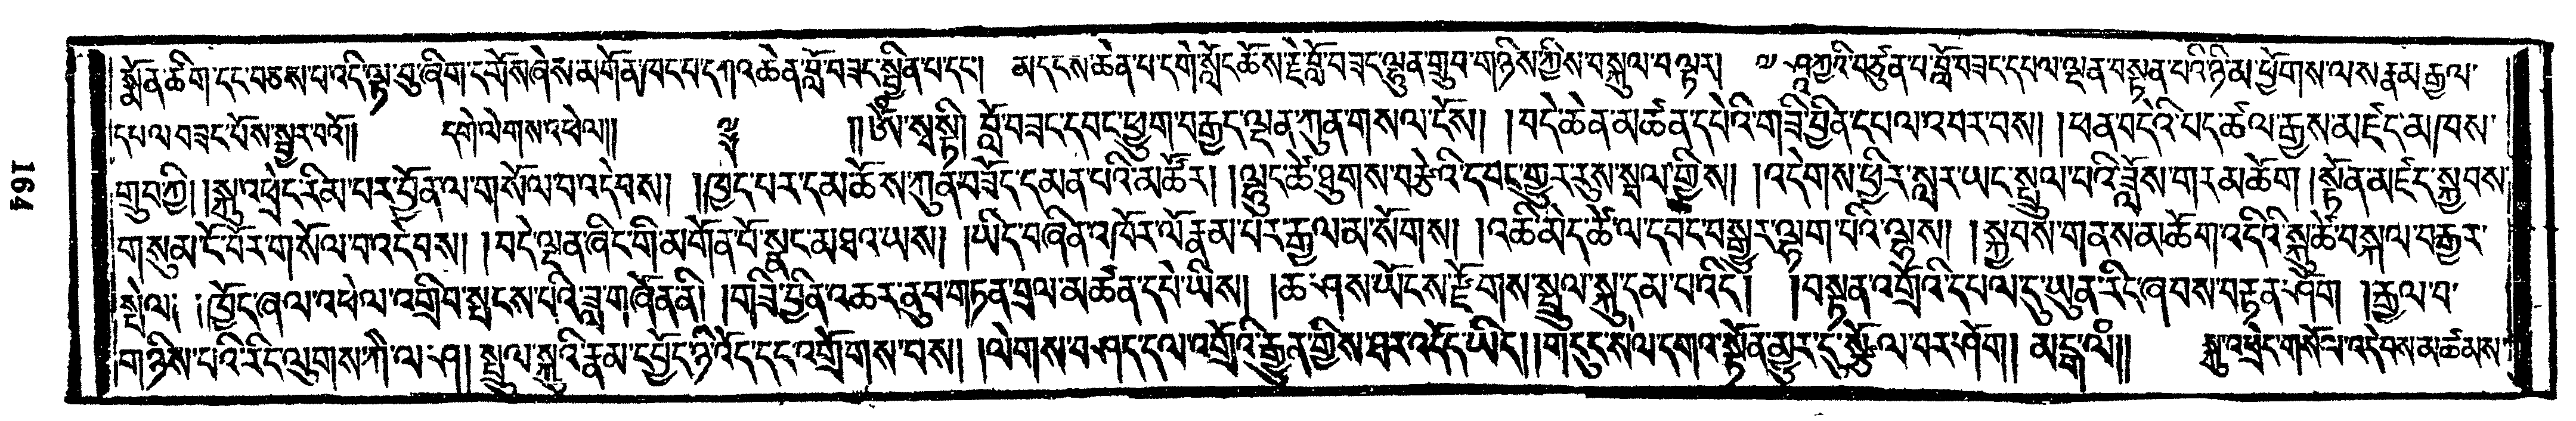སྨོན་ཚིག་དང་བཅས་པ་འདི་ལྟ་བུ་ཞིག་དགོས་ཞེས་མགོན་ཁང་པ་དཀའ་ཆེན་བློ་བཟང་སྦྱིན་པ་དང་། མདངས་ཆེན་པ་དགེ་སློང་ཆོས་རྗེ་བློ་བཟང་ལྷུན་གྲུབ་གཉིས་ཀྱིས་བསྐུལ་བ་ལྟར། ༧་ཤཱཀྱའི་བཙུན་པ་བློ་བཟང་དཔལ་ལྡན་བསྟན་པའི་ཉི་མ་ཕྱོགས་ལས་རྣམ་རྒྱལ་
དཔལ་བཟང་པོས་སྦྱར་བའོ།། དགེ་ལེགས་འཕེལ།། ༈ །།ཨོཾ་སྭ་སྟི། བློ་བཟང་དབང་ཕྱུག་བརྒྱད་ལྡན་ཀུན་གསལ་ངོས། །བདེ་ཆེན་མཚན་དཔེའི་གཟི་བྱིན་དཔལ་འབར་བས། །ཕན་བདེའི་པད་ཚལ་རྒྱས་མཛད་མཁས་
གྲུབ་ཀྱི། །སྐུ་འཕྲེང་རིམ་པར་བྱོན་ལ་གསོལ་བ་འདེབས། །ཁྱད་པར་དམ་ཆོས་ཀུན་བཟོད་དམན་པའི་མཚོར། །ལྷུང་ཚེ་ཐུགས་བརྩེའི་དབང་གྱུར་རུས་སྤལ་གྱིས། །འདེགས་ཕྱིར་སླར་ཡང་སྤྲུལ་པའི་ཟློས་གར་མཆོག །སྟོན་མཛད་སྐྱབས་
གསུམ་ངོ་བོར་གསོལ་བ་འདེབས། །བདེ་ལྡན་ཞིང་གི་མགོན་པོ་སྣང་མཐའ་ཡས། །ཡིད་བཞིན་འཁོར་ལོ་རྣམ་པར་རྒྱལ་མ་སོགས། །འཆི་མེད་ཚེ་ལ་དབང་བསྒྱུར་ལྷག་པའི་ལྷས། །སྐྱབས་གནས་མཆོག་འདིའི་སྐུ་ཚེ་བསྐལ་བརྒྱར་
སྤེལ༑ ༑ཁྱོད་ཞལ་འཕེལ་འགྲིབ་སྤངས་པའི་ཟླ་གཞོན་ནི། །གཟི་བྱིན་འཆར་ནུབ་གཏན་བྲལ་མཚན་དཔེ་ཡིས། །ཆ་ཤས་ཡོངས་རྫོགས་སྤྲུལ་སྐུ་དམ་པ་འདི། །བསྟན་འགྲོའི་དཔལ་དུ་ཡུན་རིང་ཞབས་བརྟན་ཤོག །རྒྱལ་བ་
གཉིས་པའི་རིང་ལུགས་ཀཻ་ལ་ཤ། སྤྲུལ་སྐུའི་རྣམ་དཔྱོད་ཉི་འོད་དང་འགྲོགས་བས། །ལེགས་བཤད་དལ་འགྲོའི་རྒྱུན་གྱིས་ཐར་འདོད་ཡིད། །གདུང་སེལ་དགའ་སྟོན་མྱུར་དུ་སྩོལ་བར་ཤོག། མངྒ་ལཾ།། སྐུ་འཕྲེང་གསོལ་འདེབས་མཚམས་